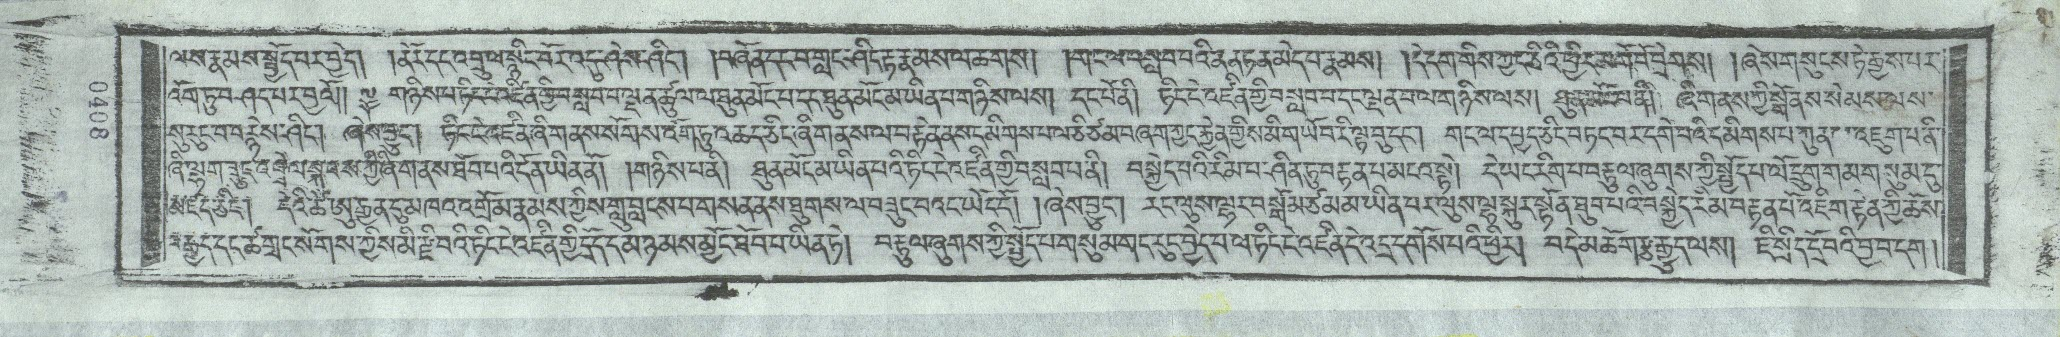ལས་རྣམས་སྤྱོད་པར་བྱེད། །ནོར་དང་འབྲུལ་སྙིང་བོར་འདུ་ཤེས་ཤིང་། །བཞོན་དང་བ་གླང་ཤིང་རྟ་རྣམས་ལ་ཆགས། །གང་ལ་བསླབ་པའི་ནན་ཏན་མེད་པ་རྣམས། །དེ་དག་གིས་ཀྱང་ཅིའི་ཕྱིར་མགོ་བོ་བྲེགས། །ཞེས་གསུངས་ཏེ་རྒྱས་པར་
འོག་ཏུ་བཤད་པར་བྱའོ།། ༈ གཉིས་པ་ཏིང་ངེ་འཛིན་ཀྱི་བསླབ་པ་ལྡན་ཚུལ་ལ་ཐུན་མོང་པ་དང་ཐུན་མོང་མ་ཡིན་པ་གཉིས་ལས། དང་པོ་ནི། ཏིང་ངེ་འཛིན་གྱི་བསླབ་པ་དང་ལྡན་པ་ལ་གཉིས་ལས། ཐུན་མོང་པ་ནི། ཞི་གནས་ཀྱི་སྒོ་ནས་སེམས་ལས་
སུ་རུང་བ་བརྙེས་ཤིང་། ཞེས་བྱུང་། ཏིང་ངེ་འཛིན་ནི་གནས་སོགས་འོག་ཏུ་འཆད་ཅིང་ཞི་གནས་ལ་བརྟེན་ནས་དམིགས་པ་ལ་ཅི་ཙམ་བཞག་ཀྱང་རྐྱེན་གྱིས་མི་གཡོབ་རི་ལྟ་བུ་དང་། གང་ལ་དཔྱད་ཅིང་བཏང་བར་དགེ་བའི་དམིགས་པ་ཀུན་ལ་འཇུག་པ་ནི་
ཞི་ལྷག་ཟུང་འབྲེལ་སྐབས་ཀྱི་ཞི་གནས་ཐོབ་པའི་དོན་ཡིན་ནོ། །གཉིས་པ་ནི། ཐུན་མོང་མ་ཡིན་པའི་ཏིང་ངེ་འཛིན་གྱི་བསླབ་པ་ནི། བསྐྱེད་པའི་རིམ་པ་ཤིན་ཏུ་བརྟན་པ་མངའ་སྟེ། དེ་ཡང་རིག་པ་བརྟུལ་ཞུགས་ཀྱི་སྤྱོད་པ་ལོ་དྲུག་གམ་གསུམ་དུ་
མཛད་ཅིང་། དེའི་ཚེ་ཨུ་རྒྱན་དུ་མཁའ་འགྲོ་མ་རྣམས་ཀྱིས་གླུ་བླངས་པ་གསན་ནས་ཐུགས་ལ་བཟུང་བའད་ཡོད་དེ། །ཞེས་བྱུང་། རང་ལུང་ལྷར་བསྒོམ་ཙམ་མ་ཡིན་པར་ལུས་ལྷ་སྐུར་སྟོན་ཐུབ་པའི་བསྐྱེད་རིམ་བརྟན་པོ་འཇིག་རྟེན་ཀྱི་ཆོས་
བརྒྱད་དང་ཚ་གྲང་སོགས་ཀྱིས་མི་རྫི་བའི་ཏིང་ངེ་འཛིན་གྱི་དྲོད་དམ་ཉམས་མྱོང་ཐོབ་པ་ཡིན་ཏེ། བརྟུལ་ཞུགས་ཀྱི་སྤྱོད་པ་གསུམ་གད་རུང་བྱེད་པ་ལ་ཏིང་ངེ་འཛིན་དེ་འདྲ་དགོས་པའི་ཕྱིར། བདེ་མཆོག་རྩ་རྒྱུད་ལས། ཇི་སྲིད་དྲོ་བའི་བྱ་བདག།